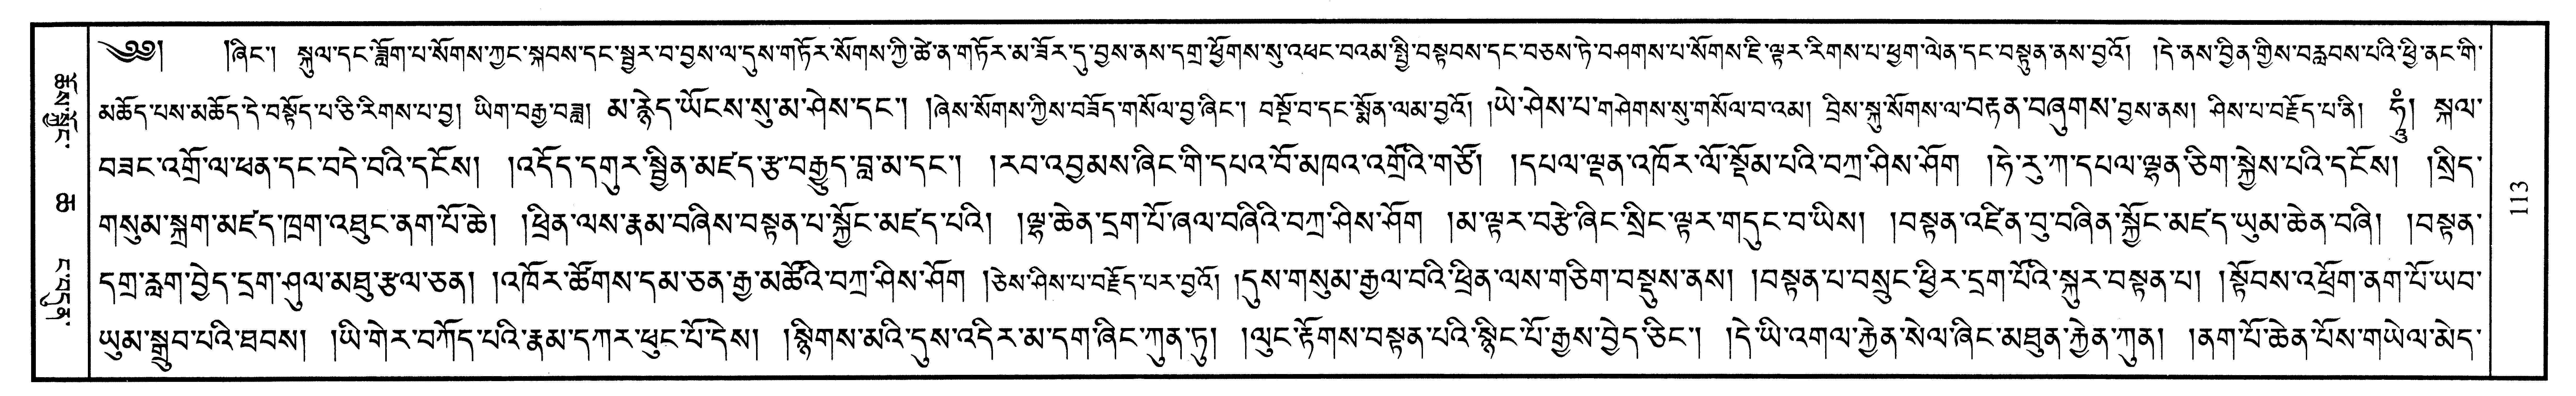༄༅། །ཞིང་། སྐུལ་དང་ཟློག་པ་སོགས་ཀྱང་སྐབས་དང་སྦྱར་བ་བྱས་ལ་དུས་གཏོར་སོགས་ཀྱི་ཚེ་ན་གཏོར་མ་ཟོར་དུ་བྱས་ནས་དགྲ་ཕྱོགས་སུ་འཕང་བའམ་སྤྱི་བསྟབས་དང་བཅས་ཏེ་བཤགས་པ་སོགས་ཇི་ལྟར་རིགས་པ་ཕྱག་ལེན་དང་བསྟུན་ནས་བྱའོ། །དེ་ནས་བྱིན་གྱིས་བརླབས་པའི་ཕྱི་ནང་གི་
མཆོད་པས་མཆོད་དེ་བསྟོད་པ་ཅི་རིགས་པ་བྱ། ཡིག་བརྒྱ་བཟླ། མ་རྙེད་ཡོངས་སུ་མ་ཤེས་དང་། །ཞེས་སོགས་ཀྱིས་བཟོད་གསོལ་བྱ་ཞིང་། བསྔོ་བ་དང་སྨོན་ལམ་བྱའོ། །ཡེ་ཤེས་པ་གཤེགས་སུ་གསོལ་བ་འམ། བྲིས་སྐུ་སོགས་ལ་བརྟན་བཞུགས་བྱས་ནས། ཤིས་པ་བརྗོད་པ་ནི། ཧཱུཾ། སྐལ་
བཟང་འགྲོ་ལ་ཕན་དང་བདེ་བའི་དངོས། །འདོད་དགུར་སྦྱིན་མཛད་རྩ་བརྒྱུད་བླ་མ་དང་། །རབ་འབྱམས་ཞིང་གི་དཔའ་བོ་མཁའ་འགྲོའི་གཙོ། །དཔལ་ལྡན་འཁོར་ལོ་སྡོམ་པའི་བཀྲ་ཤིས་ཤོག །ཧེ་རུ་ཀ་དཔལ་ལྷན་ཅིག་སྐྱེས་པའི་དངོས། །སྲིད་
གསུམ་སྐྲག་མཛད་ཁྲག་འཐུང་ནག་པོ་ཆེ། །ཕྲིན་ལས་རྣམ་བཞིས་བསྟན་པ་སྐྱོང་མཛད་པའི། །ལྷ་ཆེན་དྲག་པོ་ཞལ་བཞིའི་བཀྲ་ཤིས་ཤོག །མ་ལྟར་བརྩེ་ཞིང་སྲིང་ལྟར་གདུང་བ་ཡིས། །བསྟན་འཛིན་བུ་བཞིན་སྐྱོང་མཛད་ཡུམ་ཆེན་བཞི། །བསྟན་
དགྲ་རླག་བྱེད་དྲག་ཤུལ་མཐུ་རྩལ་ཅན། །འཁོར་ཚོགས་དམ་ཅན་རྒྱ་མཚོའི་བཀྲ་ཤིས་ཤོག །ཅེས་ཤིས་པ་བརྗོད་པར་བྱའོ། །དུས་གསུམ་རྒྱལ་བའི་ཕྲིན་ལས་གཅིག་བསྡུས་ནས། །བསྟན་པ་བསྲུང་ཕྱིར་དྲག་པོའི་སྐུར་བསྟན་པ། །སྟོབས་འཕྲོག་ནག་པོ་ཡབ་
ཡུམ་སྒྲུབ་པའི་ཐབས། །ཡི་གེར་བཀོད་པའི་རྣམ་དཀར་ཕུང་པོ་དེས། །སྙིགས་མའི་དུས་འདིར་མ་དག་ཞིང་ཀུན་ཏུ། །ལུང་རྟོགས་བསྟན་པའི་སྙིང་པོ་རྒྱས་བྱེད་ཅིང་། །དེ་ཡི་འགལ་རྐྱེན་སེལ་ཞིང་མཐུན་རྐྱེན་ཀུན། །ནག་པོ་ཆེན་པོས་གཡེལ་མེད་